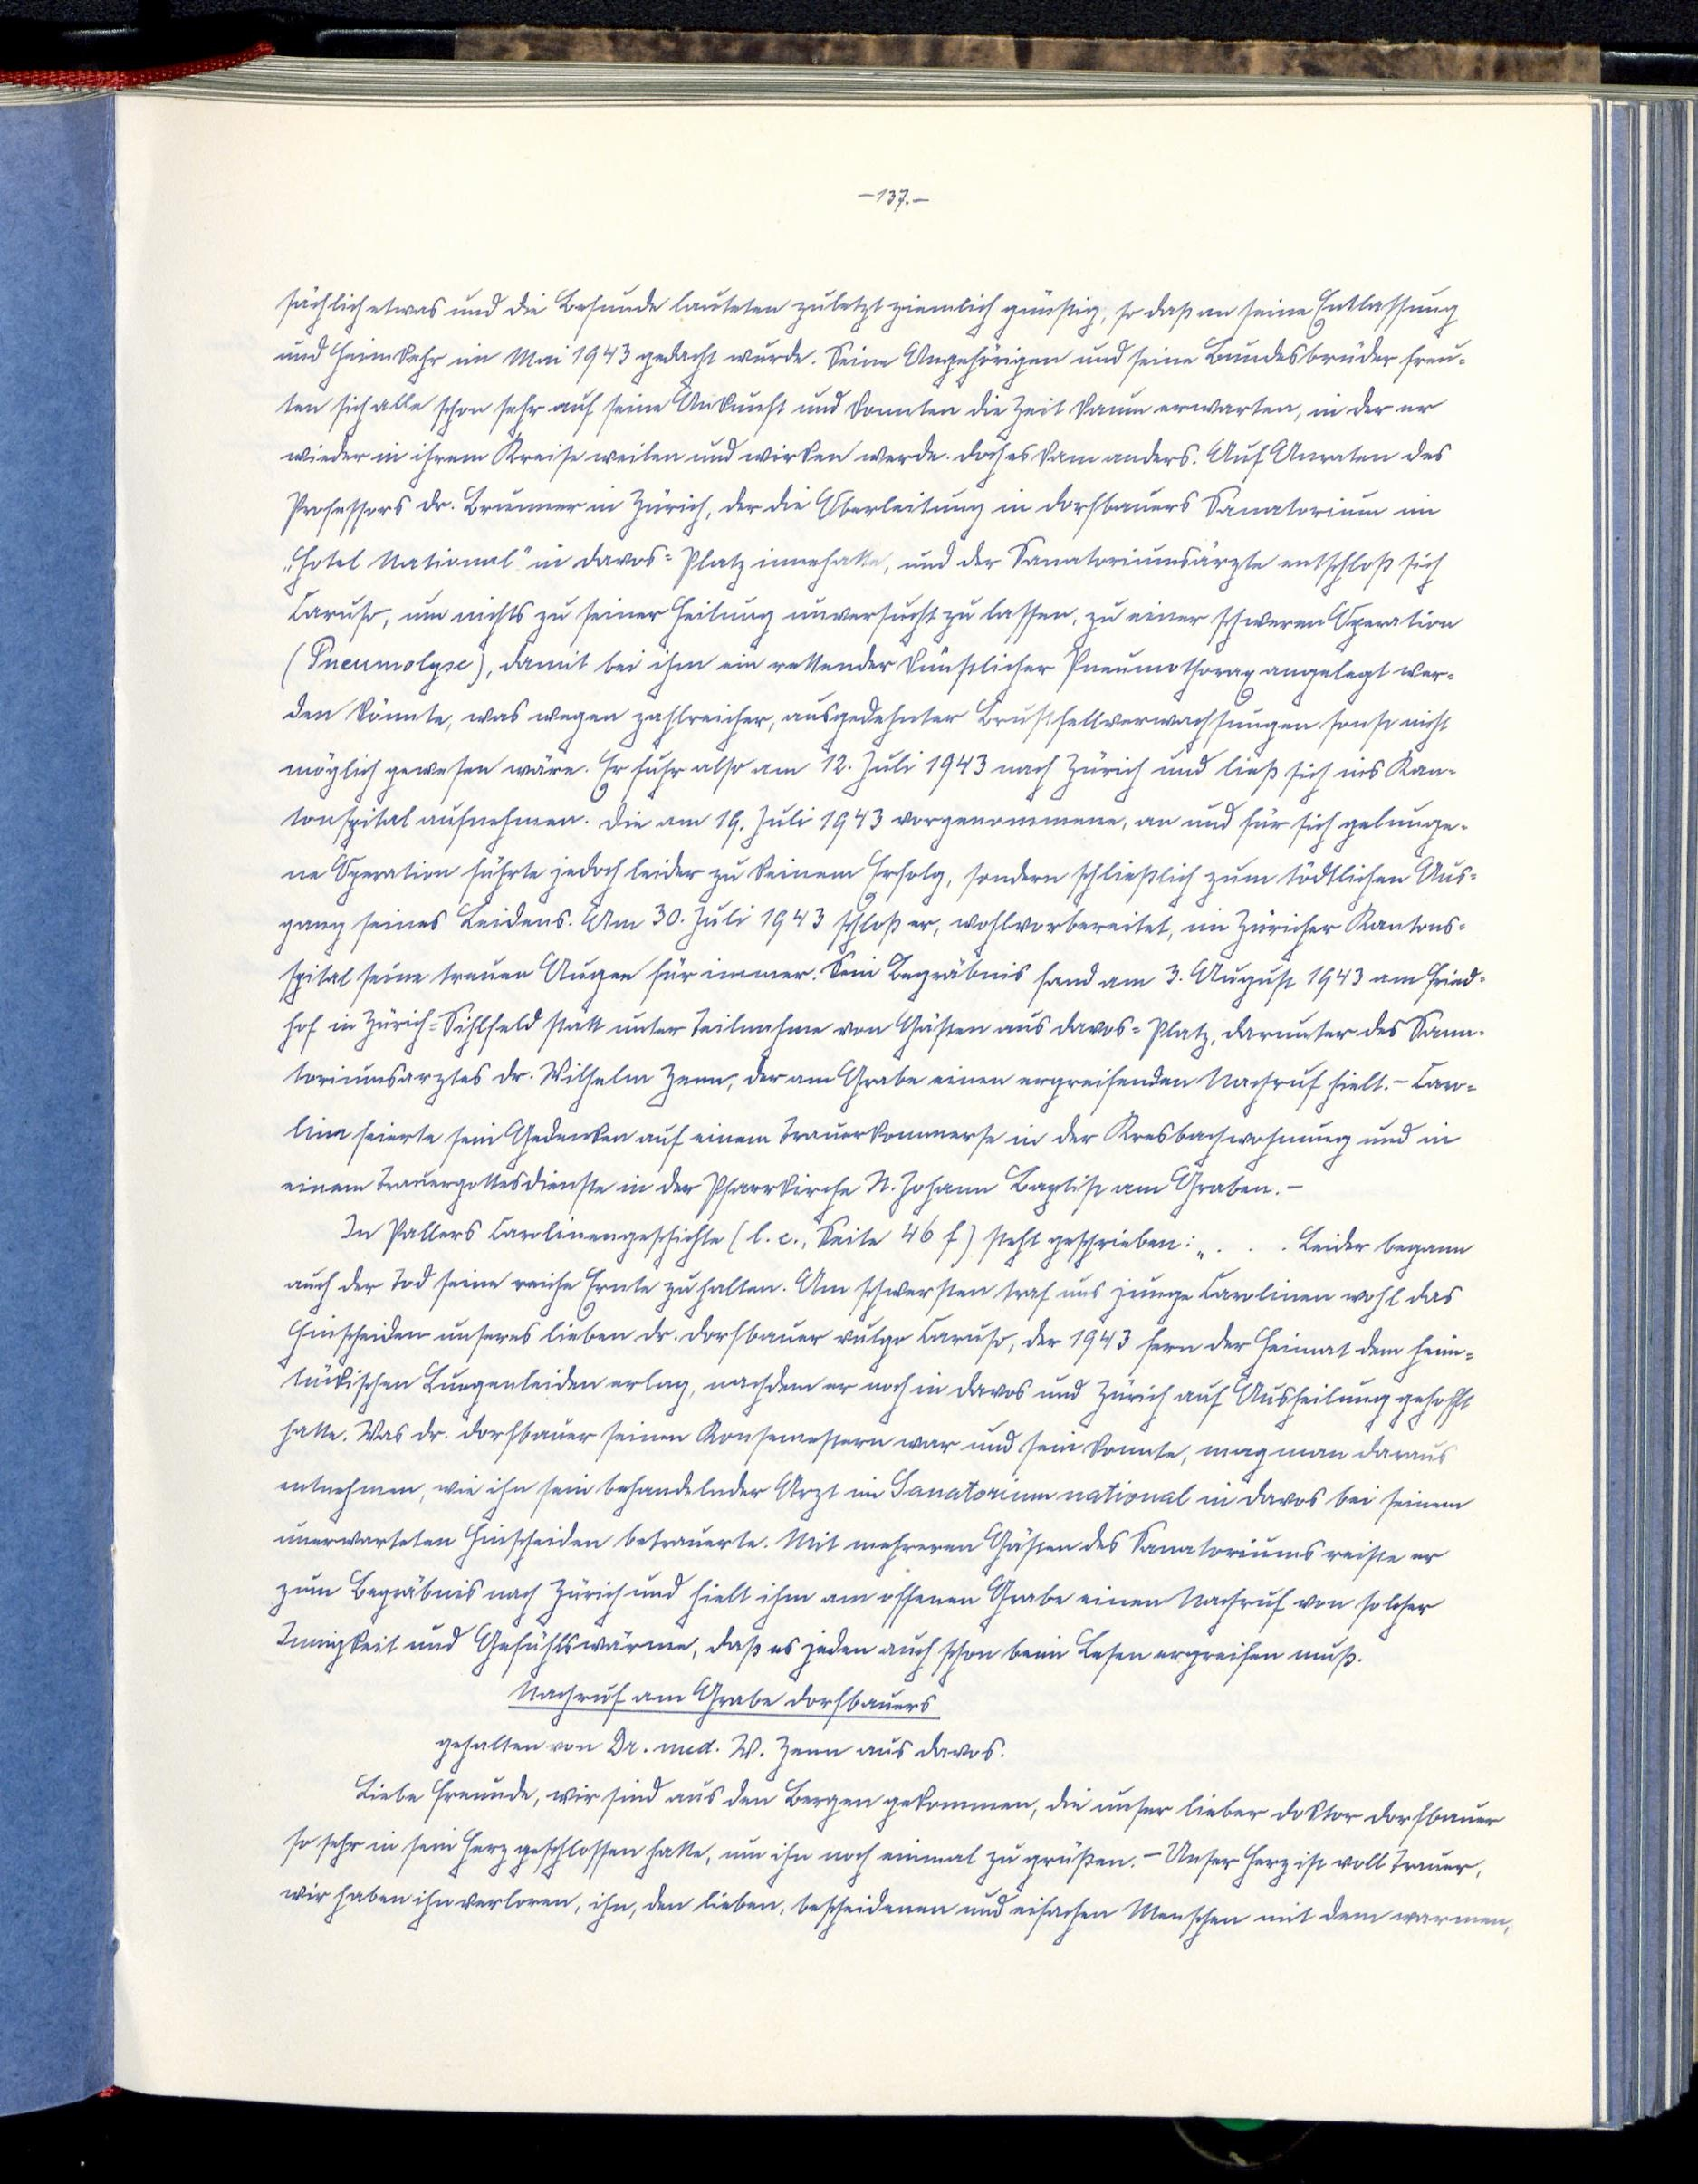137
sächlich etwas und die Befunde lautete zuletzt ziemlich günstig, so dass an seine Entlassung,
und Heimkehr im Mai 1943 gedacht wurde. Seine Angehörigen und seine Bundesbrüder freu-
ten sich alle schon sehr auf seine Anskunft und konnten die Zeit kaum erwarten, in der er
wieder in ihrem Kreise weilen und wirken werde. Doch es kam anders. Auf Anraten des
Professors Dr. Brunner in Zürich, der die Oberleitung in Dorfbauers Sanatorium im
"Hotel National“ in Davos- Platz innehatte, und der Sanatoriumsärzte entschloß sich
Caruso, um nichts zu seiner Heilung unversucht zu lassen, zu einer schweren Operation
(Pneumolyse), damit bei ihm ein rettender künstlicher Pneumothorax angelegt wer-
den könnte, was wegen zahlreicher, ausgedehnter Brustfellverwachsungen sonst nicht
möglich gewesen wäre. Er fuhr also am 12. Juli 1943 nach Zürich und ließ sich ins Kan-
tonspital aufnehmen. Die am 19. Juli 1943 vorgenommene, an und für sich gelunge-
nie Operation führte jedoch leider zu keinem Erfolg, sondern schließlich zum tödtlichen Aus-
gang seines Leidens. Am 30. Juli 1943 schloß er, wohlvorbereitet, im Züricher Kantons-
spital seine treuen Augen für immer. Sein Begräbnis fand am 3. August 1943 am Fried-
hof in Zürich Sihlfeld statt unter Teilnahme von Gästen aus Davos-Platz, darunter des Sana-
toriumsarztes Dr. Wilhelm Zenn der am Grabe einen ergreifende Nachruf hielt. - Caro-
lina feierte sein Gedenken auf einem Trauerkommerse in der Kresbachwohnung und in
einem Trauergottesdienst in der Pfarrkirche St. Johann Baptist am Graben.-
Im Pallers Carolinengeschichte (l. c. Seite 46 f) steht geschrieben: "...Leider begann
auch der Tod seine reiche Ernte zu halten. Am schwersten traf uns junge Carolinen wohl das
Hinscheiden unseres lieben Dr. Dorfbauer vulgo Caruso, der 1943 fern der Heimat dem heim-
tückischen Lungenleiden erlag, nachdem er noch in Davos und Zürich auf Ausheilung gehofft
hatte. Was Dr. Dorfbauer seinen Konsemestern war und sein konnte, mag man daraus
entnehmen, wie ihn sein behandelnder Arzt im Sanatorium national inDavos bei seinem
unerwarteten Hinscheiden betrauerte. Mit mehreren Gästen des Sanatoriums reiste er
zum Begräbnis nach Zürich und hielt ihm am offenen Grabe einen Nachruf von solcher
Innigkeit und Gefühlswärme, dass es jeden auch schon beim Lesen ergreifen muß.-
Nachruf am Grabe Dorfbauers
gehalten von Dr. med. Zenn aus Davos.
Liebe Freunde, wir sind aus den Bergen gekommen, die unser lieber Doktor Dorfbauer
so sehr in sein Herz geschlossen hatte, um ihn noch einmal zu grüßen. - Unser Herz ist voll Trauer,
wir haben ihn verloren, ihn, den lieben, bescheidenen und einfachen Menschen mit dem warmen,